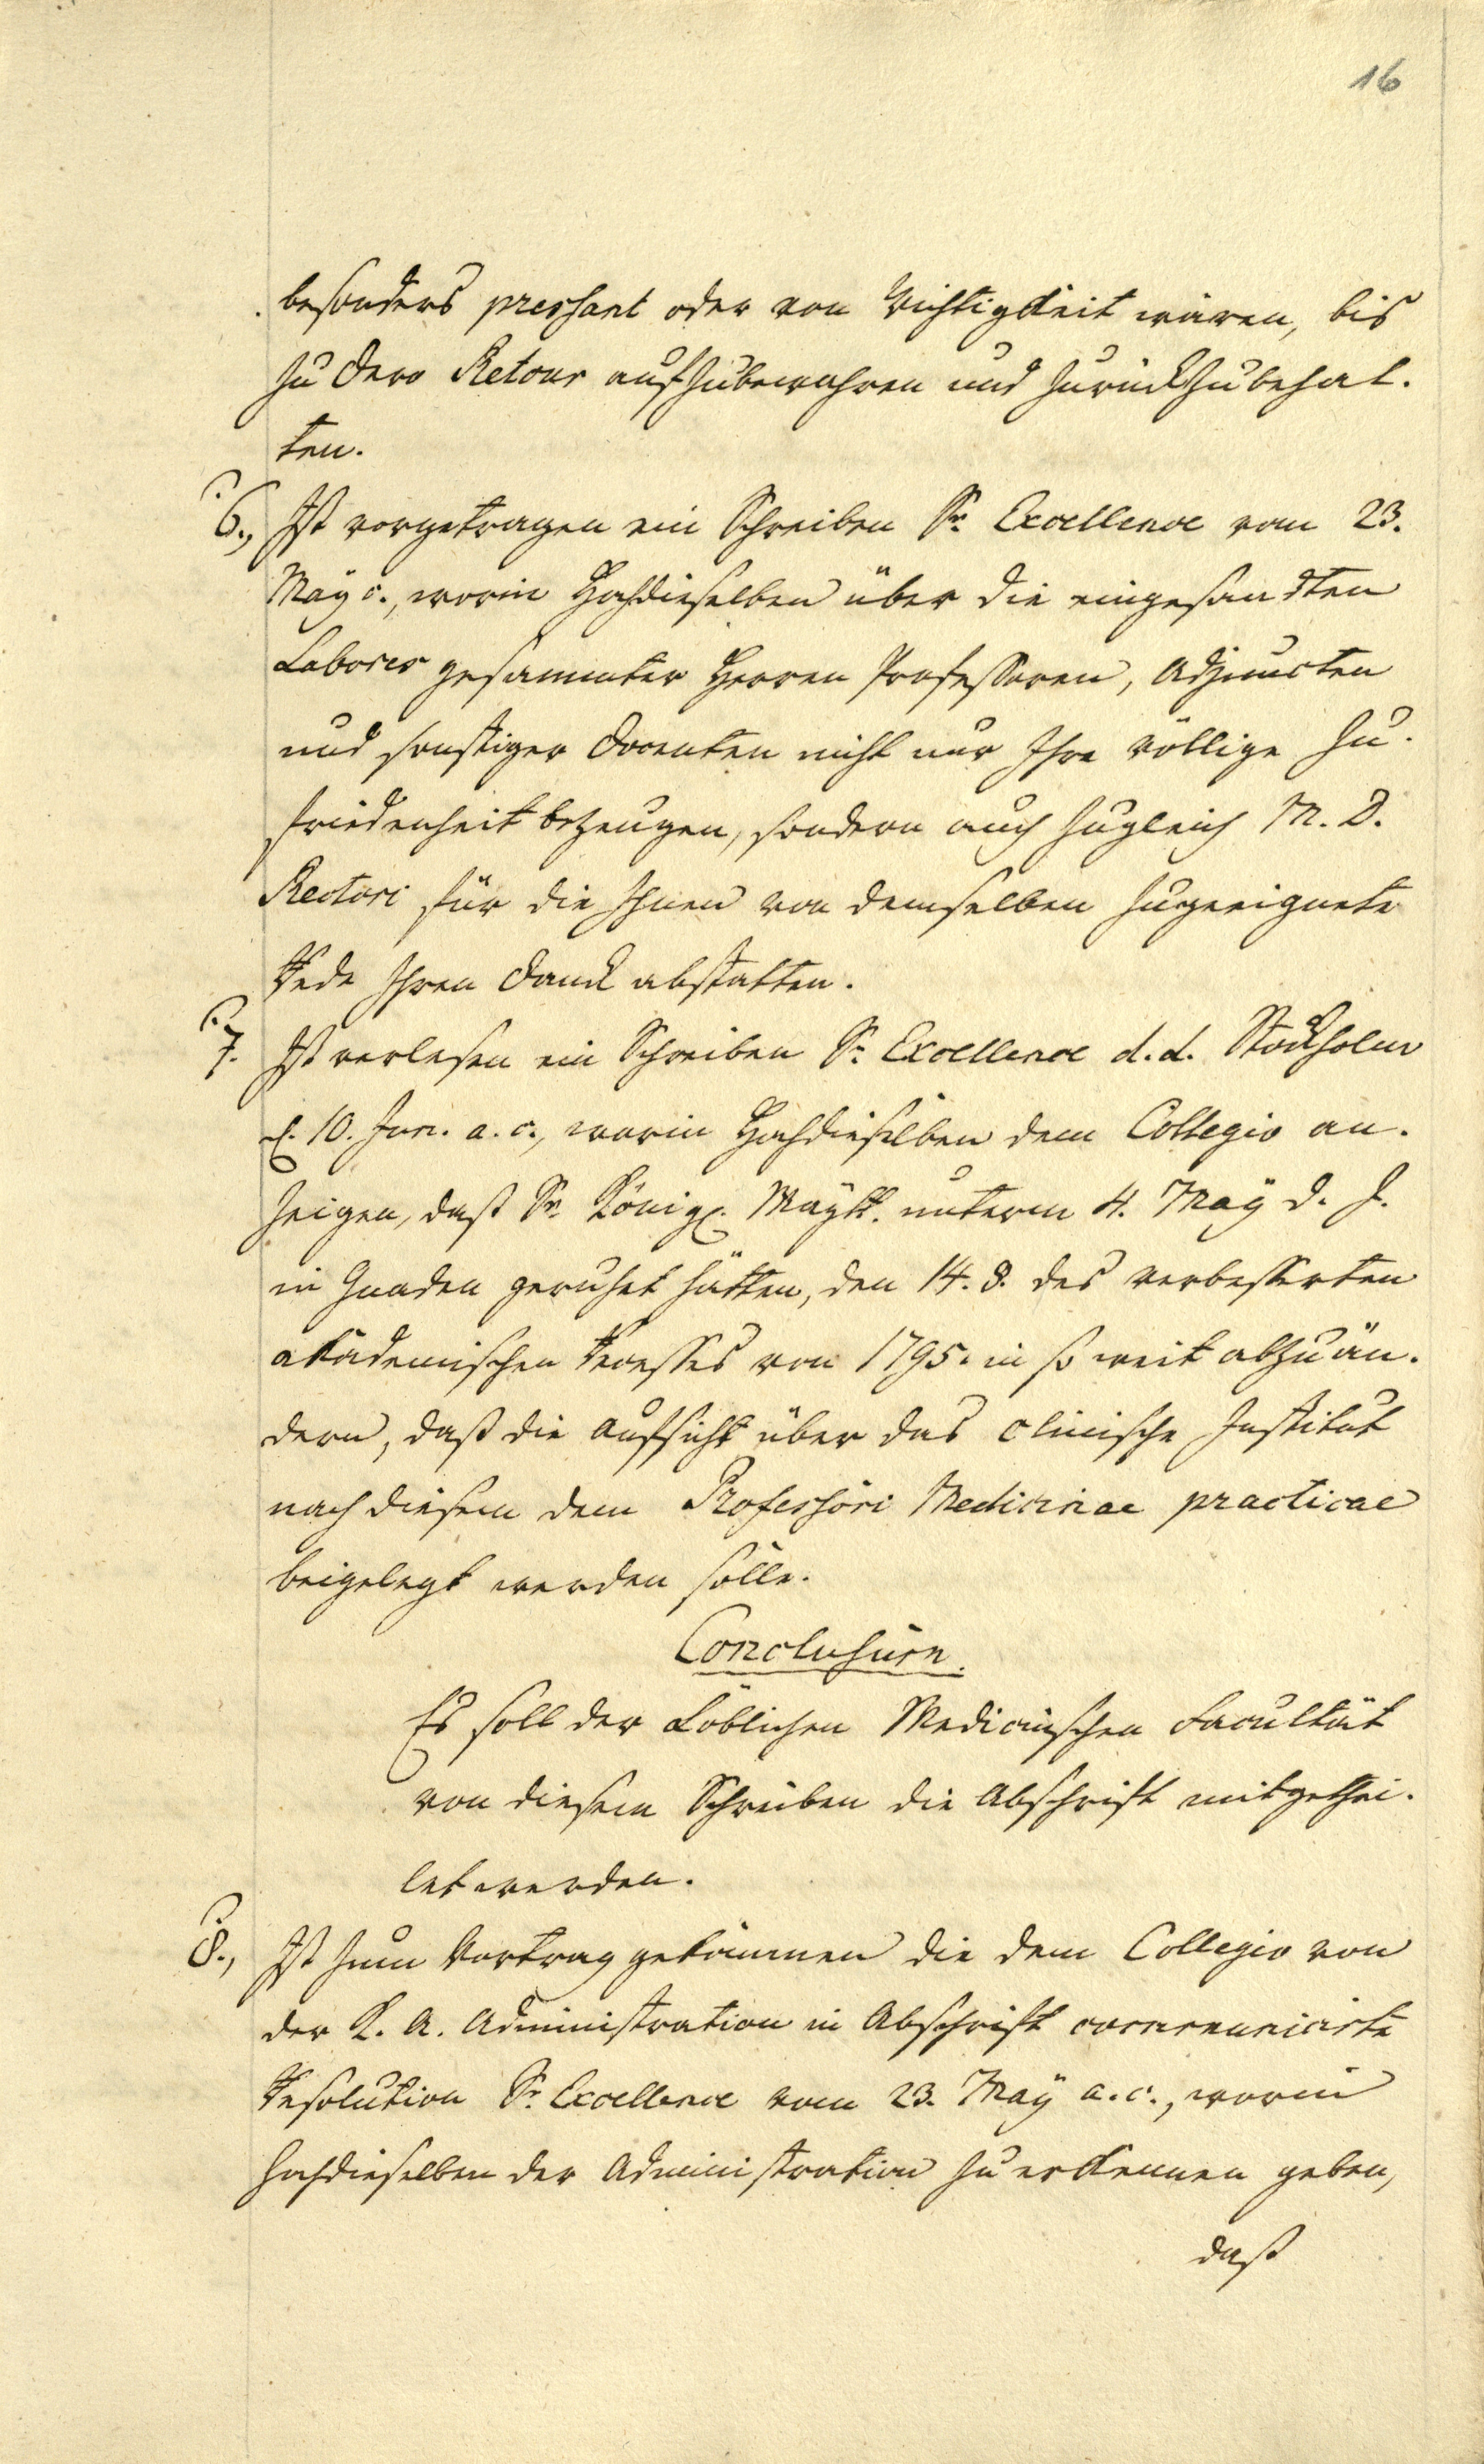besonders pressant oder von Wichtigkeit wären, bis
zu Dero Retour aufzubewahren und zurückzubehal¬
ten.
6., Ist vorgetragen ein Schreiben Sr. Excellence vom 23.
Maÿ c. worin Hochdieselben über die eingesandten
Labores gesammter Herren Professoren, Adjuncten
und sonstiger Docenten nicht nur Ihre völlige Zu¬
friedenheit bezeugen, sondern auch zugleich M. D.
Rectori für die Ihnen von demselben zugeeignete
Rede Ihren Danck abstatten.
7. Ist verlesen ein Schreiben Sr. Excellence d.d. Stockholm
d. 10. Jun. a. c., worin Hochdieselben dem Collegio an¬
zeigen, daß Sr. Königl. Maÿtt. unterm 4. Maÿ d. J.
in Gnaden geruhet hätten, den 14. § des verbesserten
akademischen Recesses von 1795. in so weit abzuän¬
dern, daß die Aufsicht über das clinische Institut
nach diesem dem Professori Medicinae practicae
beigelegt werden solle.
Conclusum
Es soll der Löblichen Medicinischen Facultät
von diesem Schreiben die Abschrift mitgethei¬
let werden.
8., Ist zum Vortrag gekommen die dem Collegio von
der K. A. Administration in Abschrift communicirte
Resolution Sr. Excellence vom 23. Maÿ a. c., worin
hochdieselben der Administration zu erkennen geben,
daß